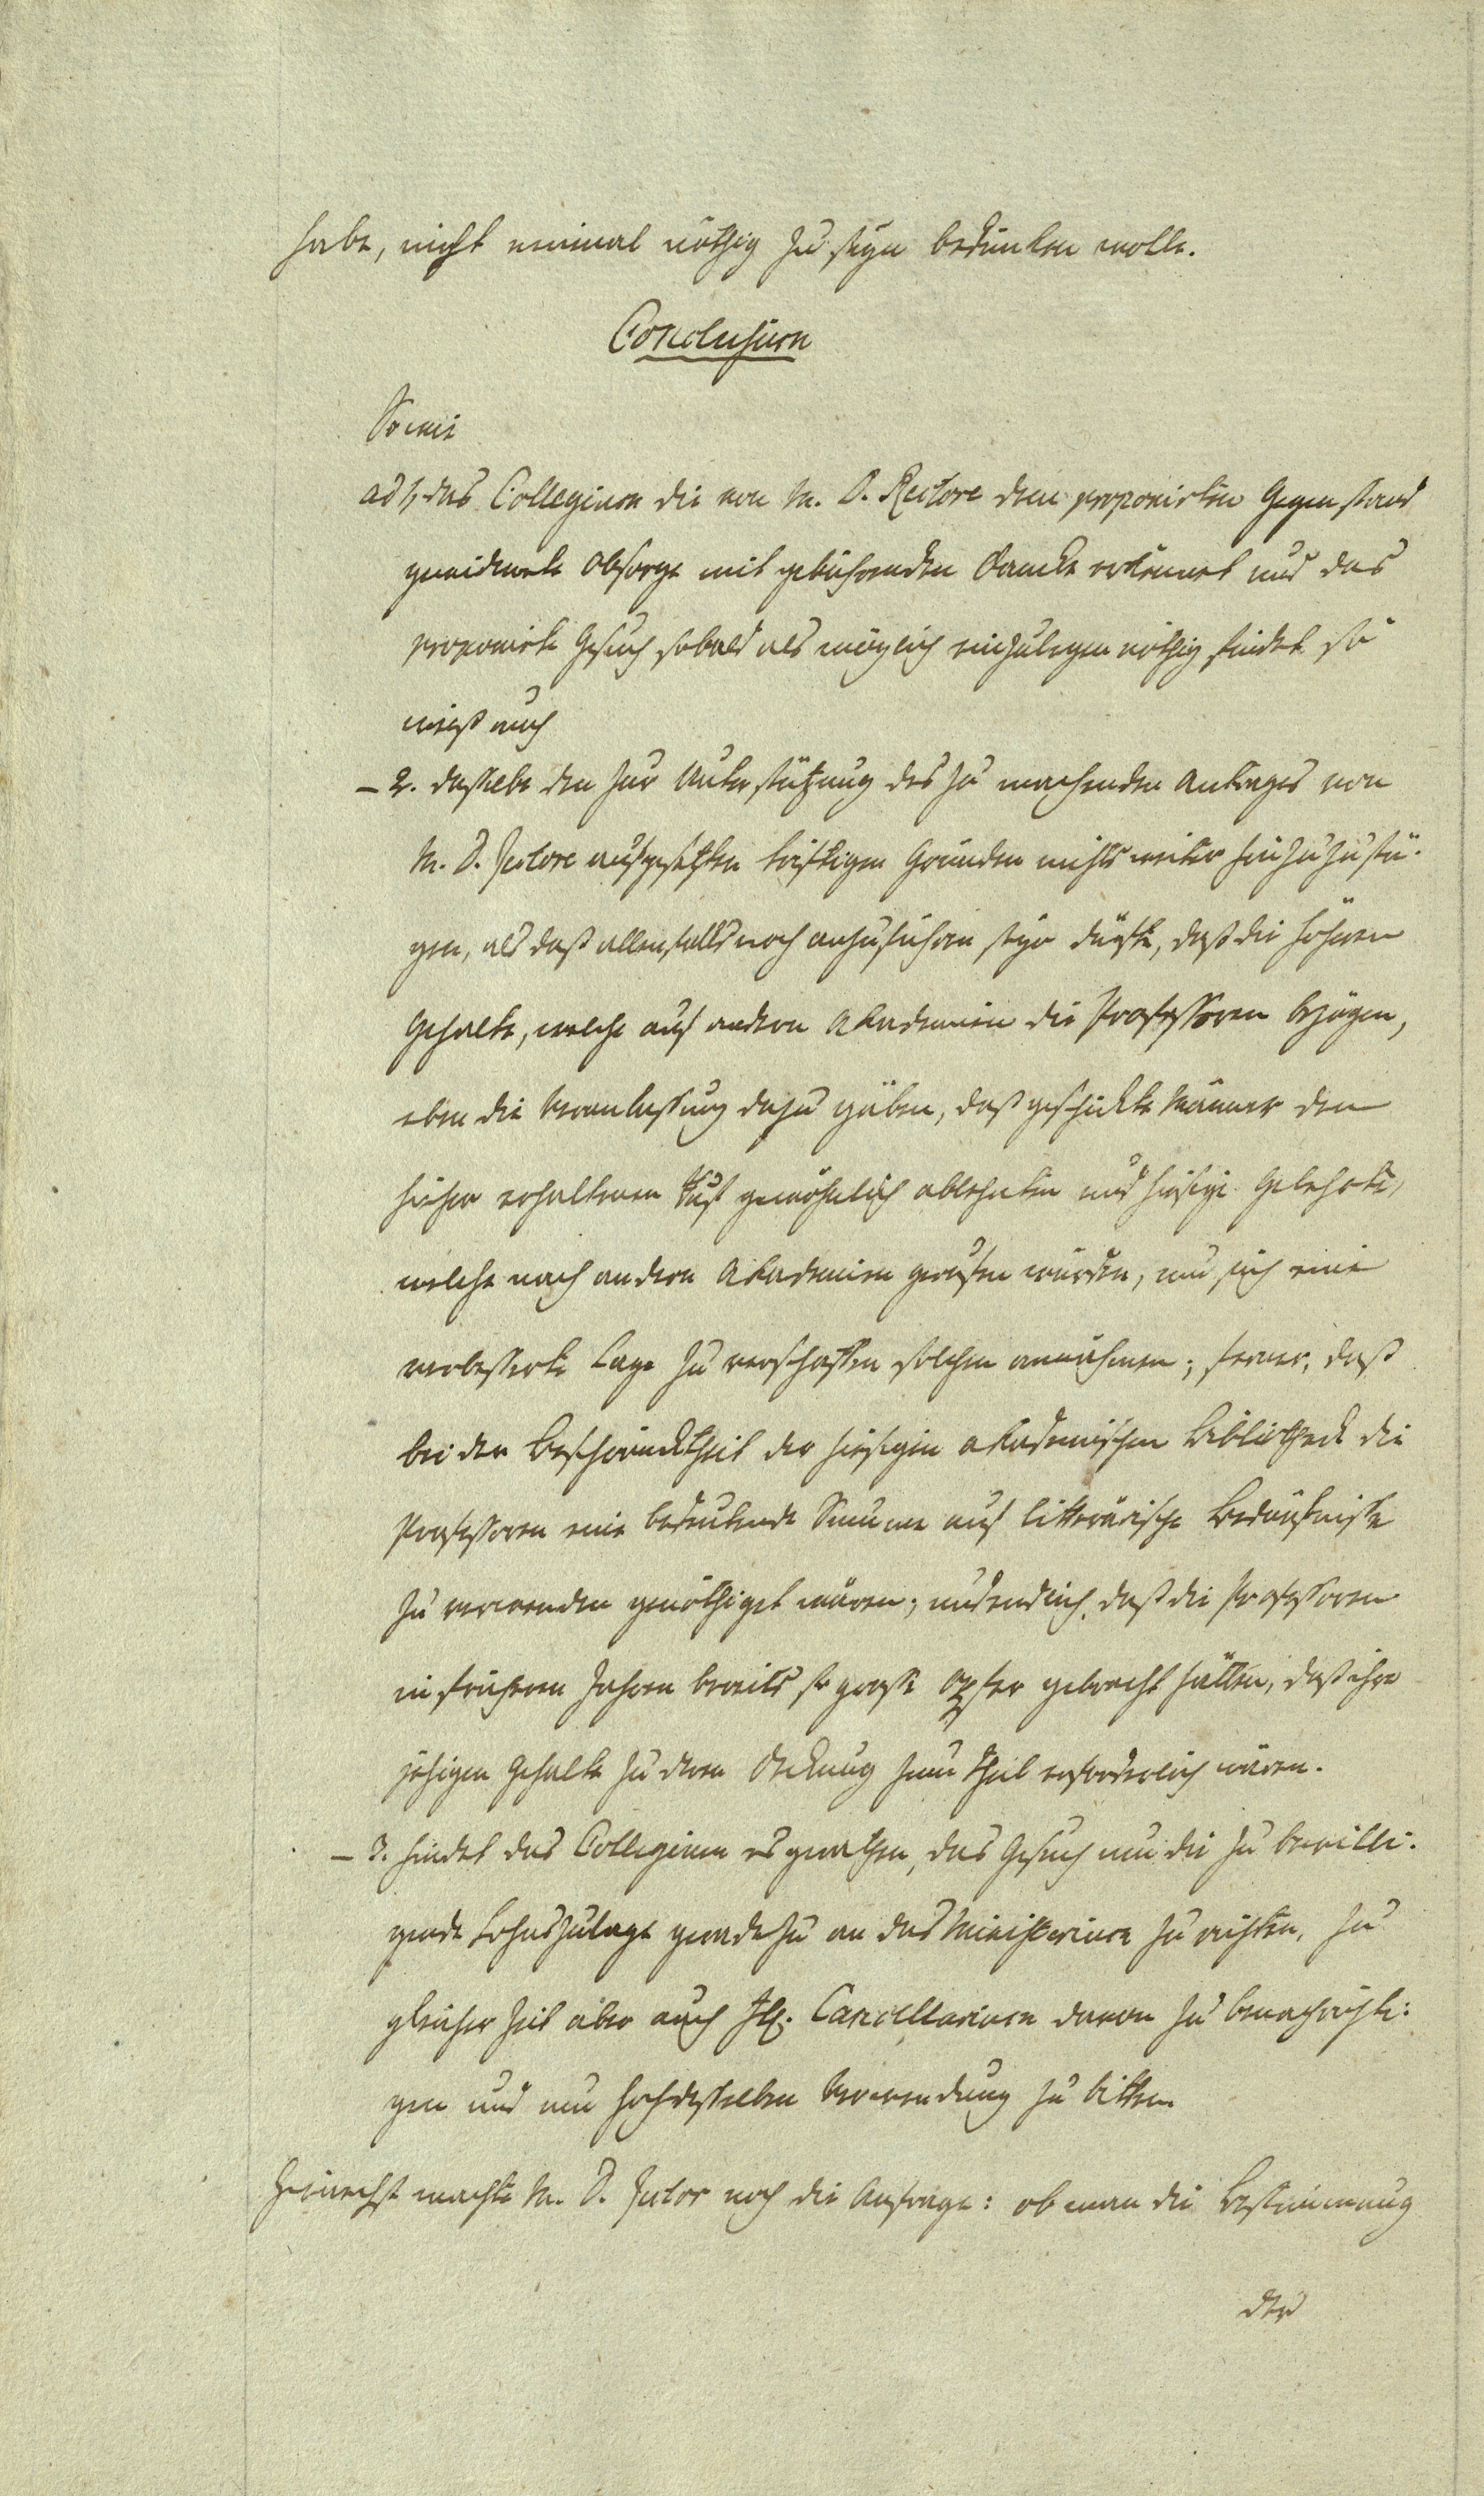habe, nicht einmal nöthig zu seÿn bedünken wolle.
Conclusum
So wie
ad 1, das Collegium die von M. D. Rectore dem proponirten Gegenstand
gewidmete Obsorge mit gebührenden Dancke erkennet und das
proponirte Gesuch sobald als möglich einzulegen nöthig findet, so
weiß auch
2. dasselbe den zur Unterstützung des zu machenden Antrages von
M. D. Rectore aufgesetzten triftigen Gründen nichts weiter hinzuzufü¬
gen, als daß allenfalls noch anzuführen seÿn dürfte, daß die höhern
Gehalte, welche auf andern Akademien die Professoren bezögen,
eben die Veranlassung dazu gäben, daß geschickte Männer den
hieher erhaltenen Ruf gewöhnlich ablehnten und hiesige Gelehrte,
welche nach andern Akademien gerufen würden, um sich eine
verbesserte Lage zu verschaffen solchen annähmen; ferner, daß
bei der Beschräncktzuit der hiesigen akademischen Bibliothek die
Professoren eine bedeutende Summe auf litterärische Bedürfnisse
zu verwenden genöthiget wären; und endlich, daß die Professoren
in früheren Jahren bereits so grosse Opfer gebracht hätten, daß ihre
jezigen Gehalte zu deren Deckung zum Theil erforderlich wären.
3. findet das Collegium es gerathen, das Gesuch um die zu bewilli¬
gende Lohnszulage geradezu an das Ministerium zu richten, zu
gleicher Zeit aber auch Ill. Cancellarium davon zu benachrichti¬
gen und um hochdesselben Verwendung zu bitten.
Hienechst machte M. D. Rector noch die Anfrage: ob man die Bestimmung
der